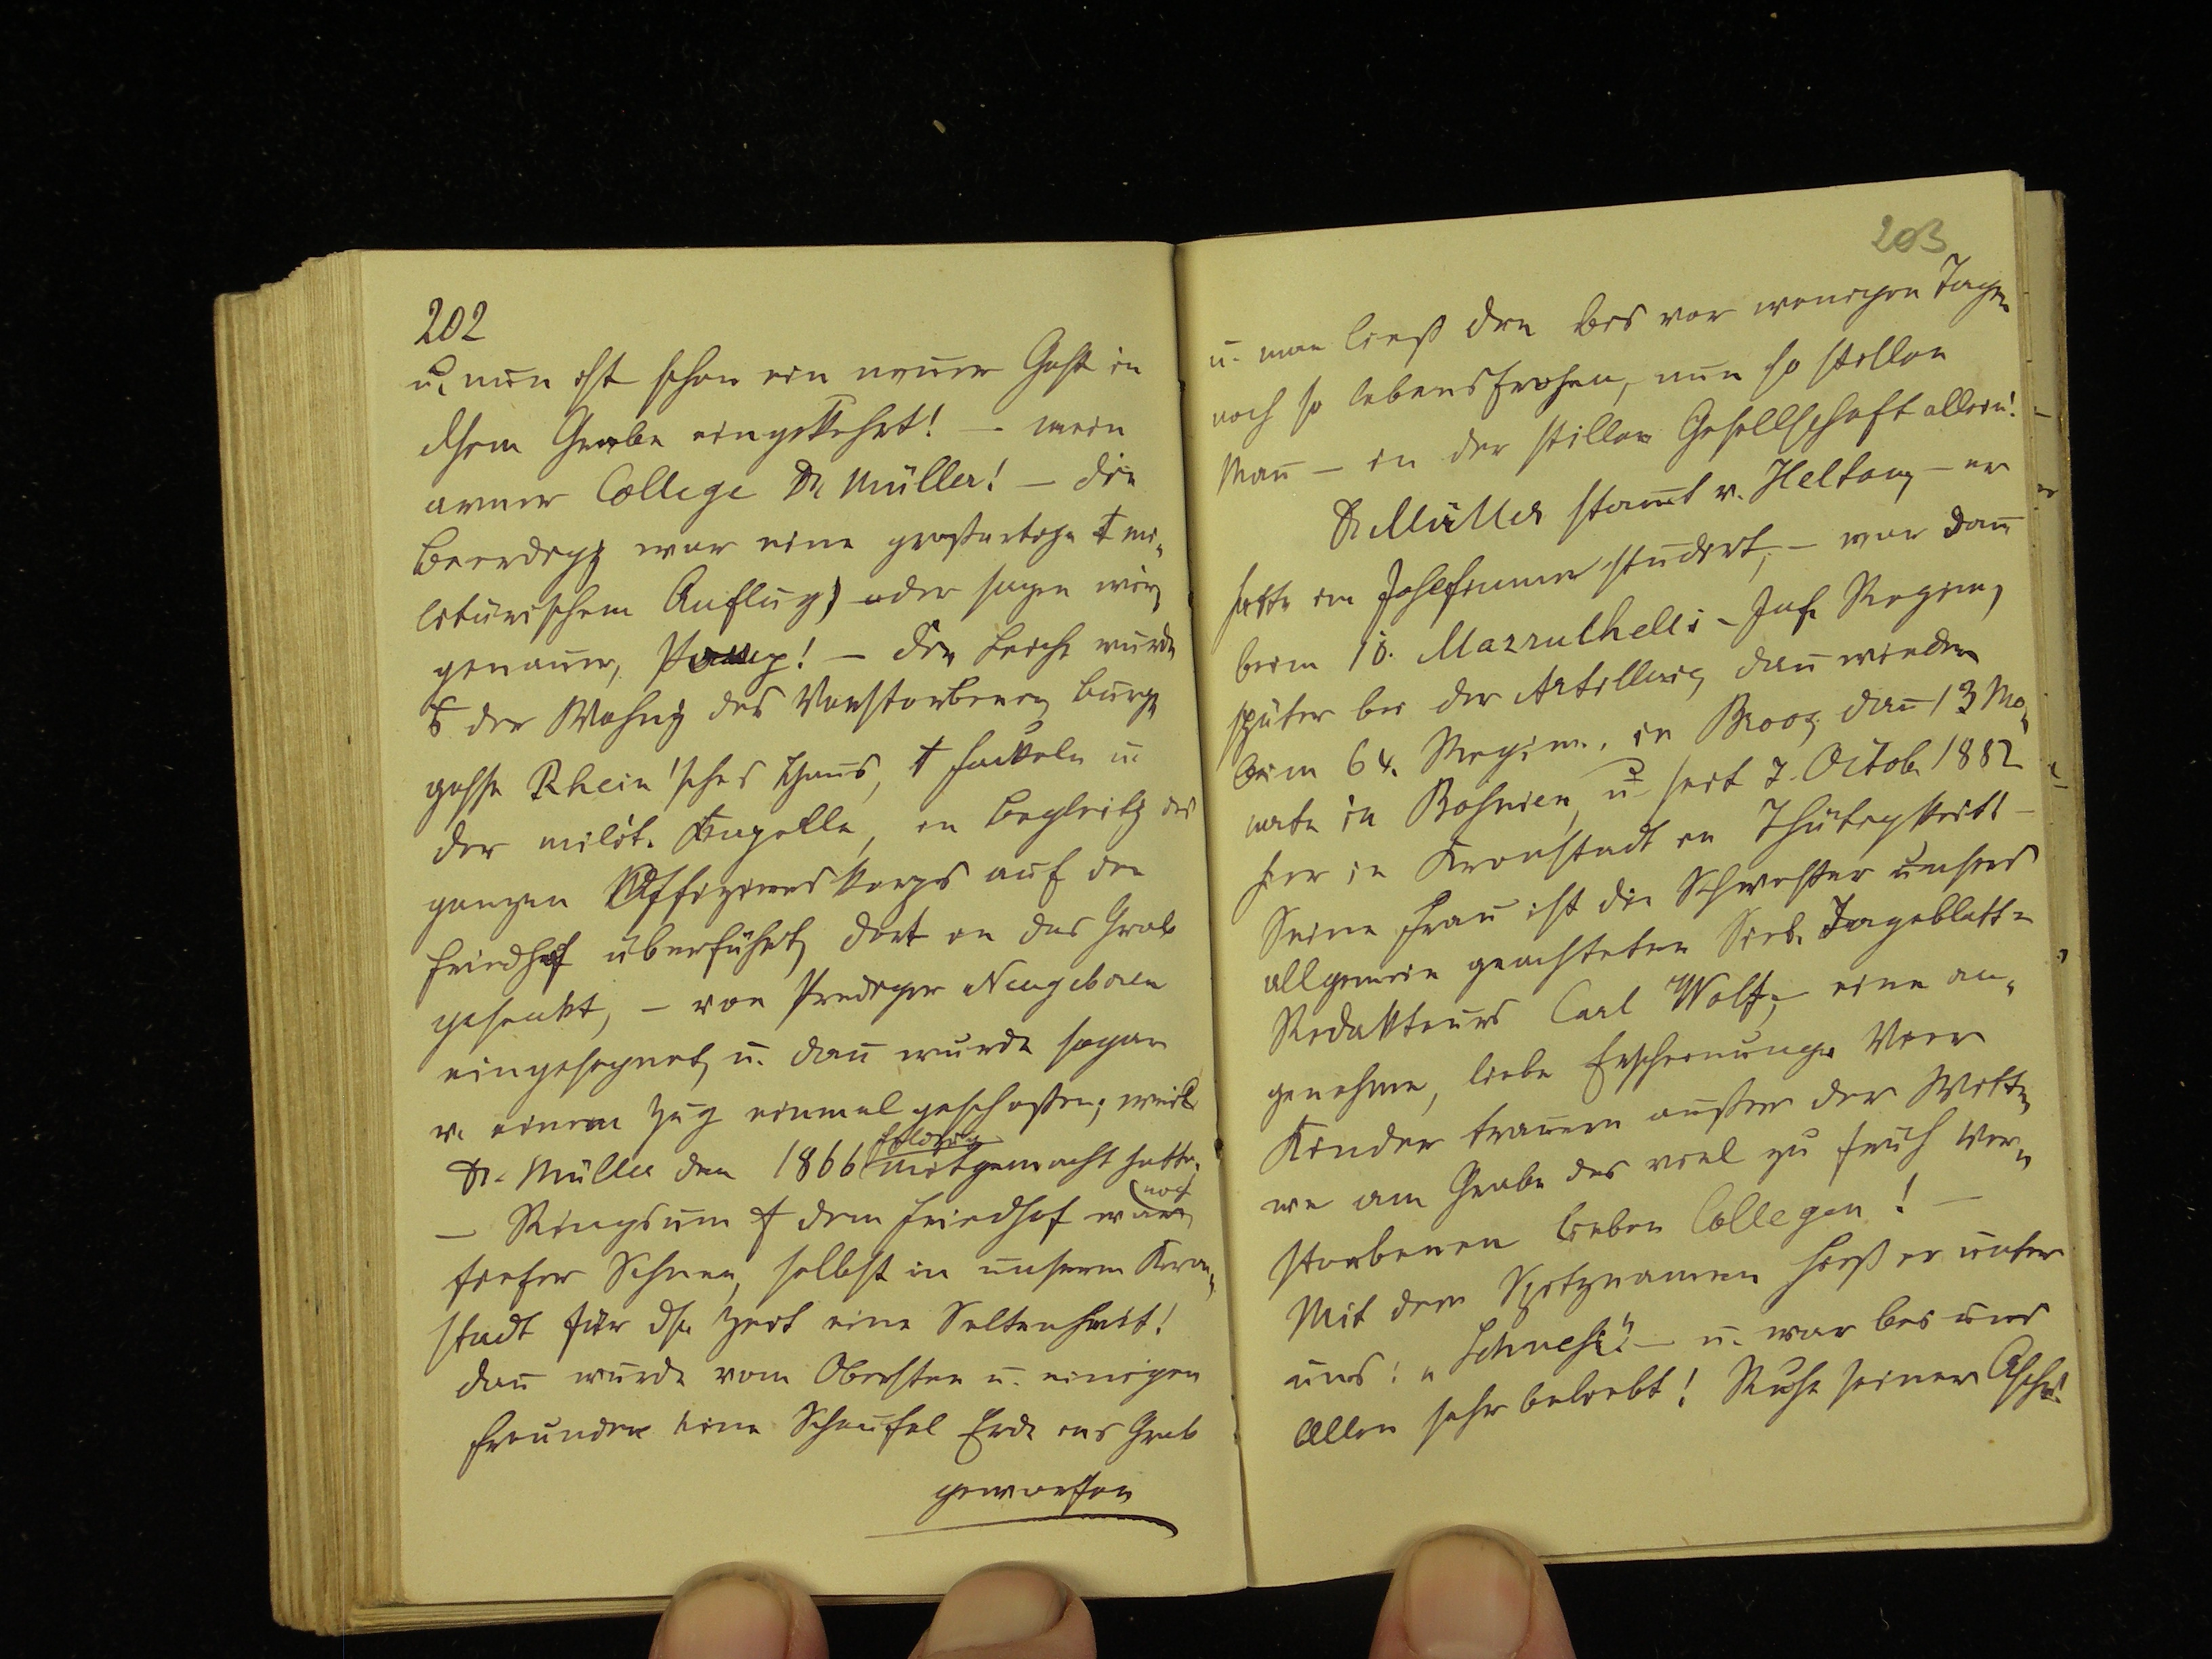202
und nun ist schon ein neuer Gast in
diesem Grab eingekehrt !- mein
armer College Dr. Müller !- Die
Beerdigung war eine großartige mit mi¬
litärischem Anflug,- oder fangen wir
genau P omp ! -Die Leiche wurde
aus der Wohnung des Verstorbenen Burg¬
gasse Rhein’sches Haus, mit Fackeln und
der militärischen Kapelle, in Begleitung des
ganzen Offizierskorps auf den
Friedhof überführt, dort in das Grab
gesenkt,- von Prediger Neugeboren
eingesegnet und dann wurde sogar
von einem Zug einmal geschosßen; weil
Feldzug
Dr. Müller den 1866 mitgemacht hatte,
noch
-Ringsum auf dem Friedhof war
tiefer Schnee, selbst in unserem Kron¬
stadt für diese Zeit eine Seltenheit!-
Dann wurde vom Obersten und einigen
Freunden eine Schaufel Erde ins Grab
geworfen
203
und man ließ den bis vor wenigen Tagen
noch so lebensfrohen nun so stillen
Mann- in der stillen Gesellschaft allein !
Dr. Müller stammt von Heltau,- er
hatte im Josefinum studiert,- war dann
beim 10. Marrchelli—Inf. Regiment,
später bei der Artillerie , dann wieder
beim 64. Regiment in Broos, dann 13 Mo¬
nate in Bosnien und seit 7. Okt. 1882
hier in Kronstadt in Thätigkeit. –
Seine Frau ist die Schwester unseres
allgemein geachteten Sieb. Tageblatt
Redakteurs Carl Wolf, eine an¬
genehme, liebe Erscheinung. Vier
Kinder trauern außer der Wit¬
we am Grabe des viel zu früh ver¬
storbenen lieben Collegen !-
Mit dem Spitznamen hieß er unter
uns „Schnehi“- und war bei uns
allen sehr beliebt!- Ruhe seiner Asche.